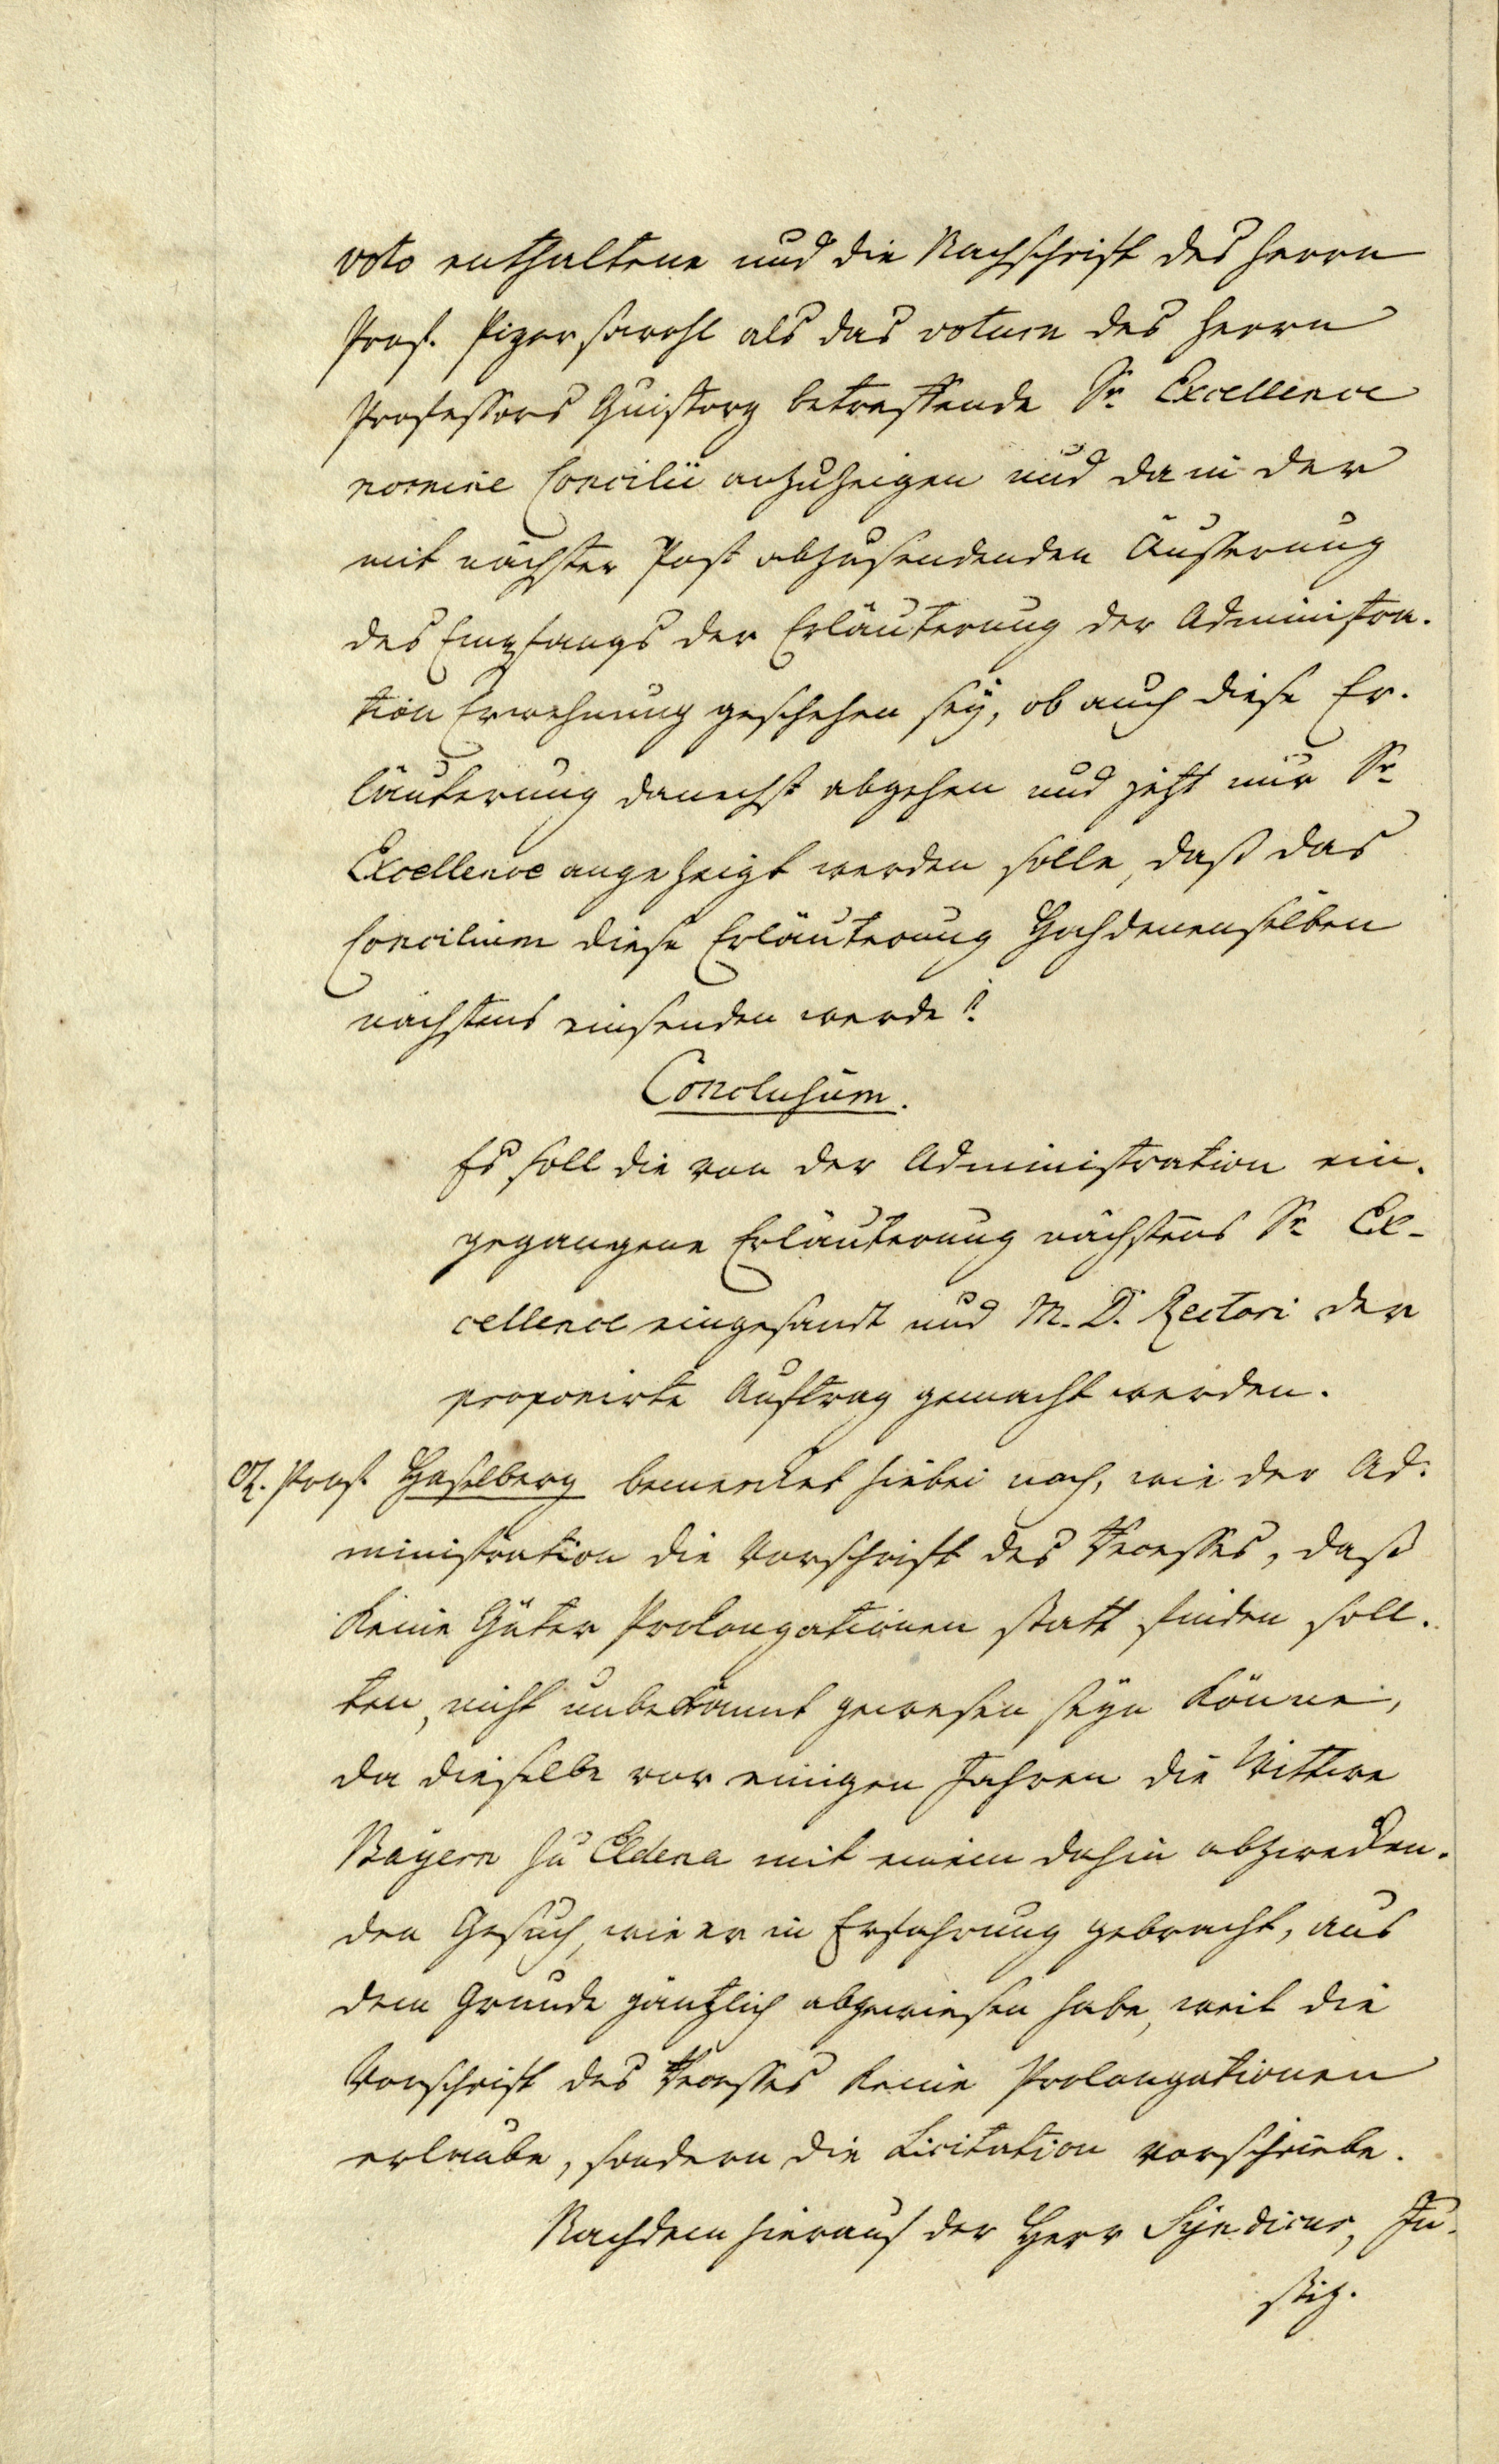voto enthaltene und die Nachschrift des Herrn
Prof. Piper sowohl als das votum des Herrn
Professors Quistorp betreffende Sr Excellence
nomine Concilii anzuzeigen und da in der
mit nächster Post abzusendenden Äusserung
des Empfangs der Erläuterung der Administra¬
tion Erwehnung geschehen seÿ, ob auch diese Er¬
läuterung danechst abgehen und jetzt nur Sr.
Excellence angezeigt werden solle, daß das
Concilium diese Erläuterung Hochdenenselben
nächstens einsenden werde ?
Conclusum.
Es soll die von der Administration ein¬
gegangene Erläuterung nächstens Sr Ex¬
cellence eingesandt und M. D. Rectori der
proponirte Auftrag gemacht werden.
dh. Prof. Haselberg bemercket hiebei noch, wie der Ad¬
ministration die Vorschrift der Recesses, daß
keine Güter Prolongationen statt finden soll¬
ten, nicht unbekannt gewesen seÿn könne,
da dieselbe vor einigen Jahren die Wittwe
Baÿern zu Eldena mit einem dahin abzwecken¬
den Gesuch, wie er in Erfahrung gebracht, aus
dem Grunde gäntzlich abgewiesen habe, weil die
Vorschrift des Recesses keine Prolongationen
erlaube, sondern die Licitation vorschriebe.
Nachdem hierauf der Herr Sÿndicus, Ju¬
sti